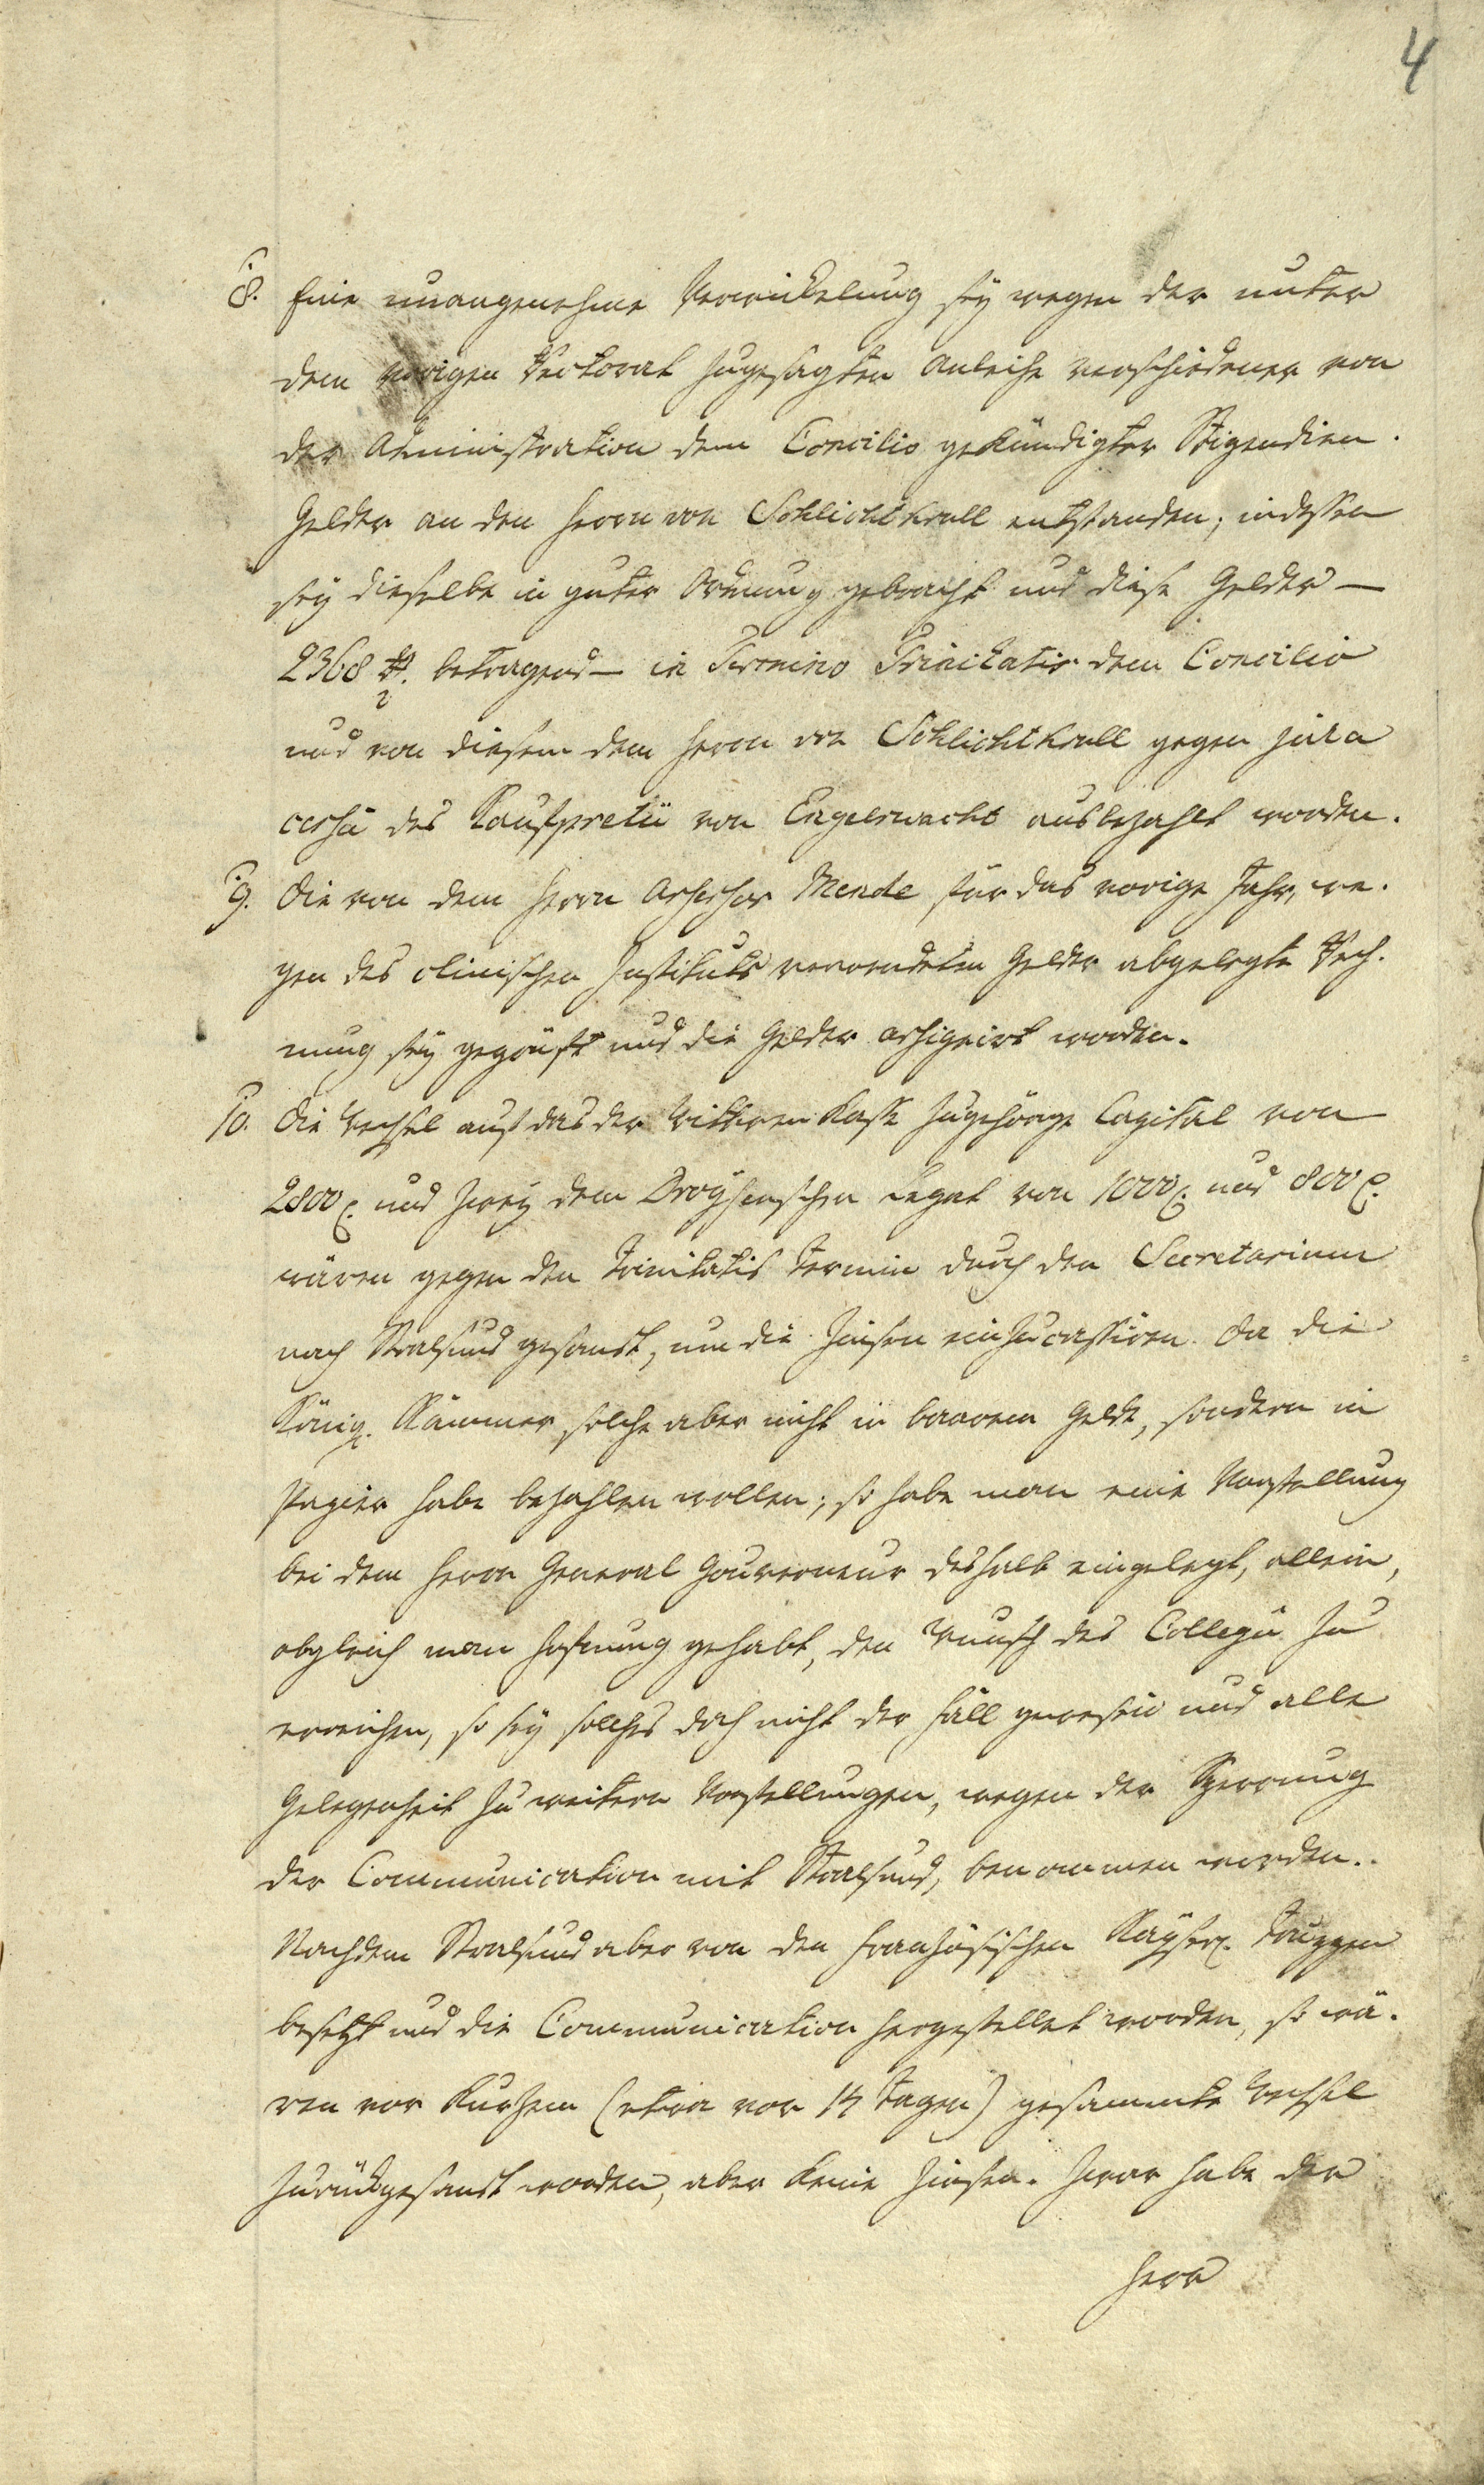8.Eine unangenehme Verwickelung seÿ wegen der unter
dem vorigen Rectorat zugesagten Anleihe verschiedener von
der Administration dem Concilio gekündigter Stipendien¬
Gelder an den Herrn von Schlichtkrull entstanden; indessen
seÿ dieselbe in guter Ordnung gebracht und diese Gelder -
2368 Rt. betragend - in Termino Trinitatis dem Concilio
und von diesem dem Herrn von Schlichtkrull gegen jura
cessa des Kaufpretii von Engelbrecht ausbezahlt worden.
9. Die von dem Herrn Assessor Mende für das vorige Jahr, we¬
gen des clinischen Instituts verwendeten Gelder abgelegte Rech¬
nung seÿ geprüft und die Gelder assignirt worden.
10. Die Wechsl auf das der Wittwenkasse zugehörige Capital von
2800 l. und zweÿ dem Droÿsenschen Legat von 1000 l. und 800 l.
wären gegen den Trinitatis Termin durch den Secretarium
nach Stralsund gesandt, um die Zinsen einzucassiren. Da die
Königl. Kammer solche aber nicht in baarem Gelde, sondern in
Papier habe bezahlen wollen; so habe man eine Vorstellung
bei dem Herrn General Gouverneur deshalb eingelegt, allein,
obgleich man Hofnung gehabt, den Wunsch des Collegii zu
erreichen, so seÿ solches doch nicht der Fall gewesen und alle
Gelegenheit zu weitern Vorstellungen, wegen der Sperrung
der Communication mit Stralsund, benommen worden.
Nachdem Stralsund aber von den Französischen Kaÿserl. Truppen
besetzt und die Commmmnication hergestellet worden, so wä¬
ren vor kurzem ( etwa vor 14 Tagen ) gesammte Wechsel
zurückgesandt worden, aber keine Zinsen. Zwar habe der
Herr